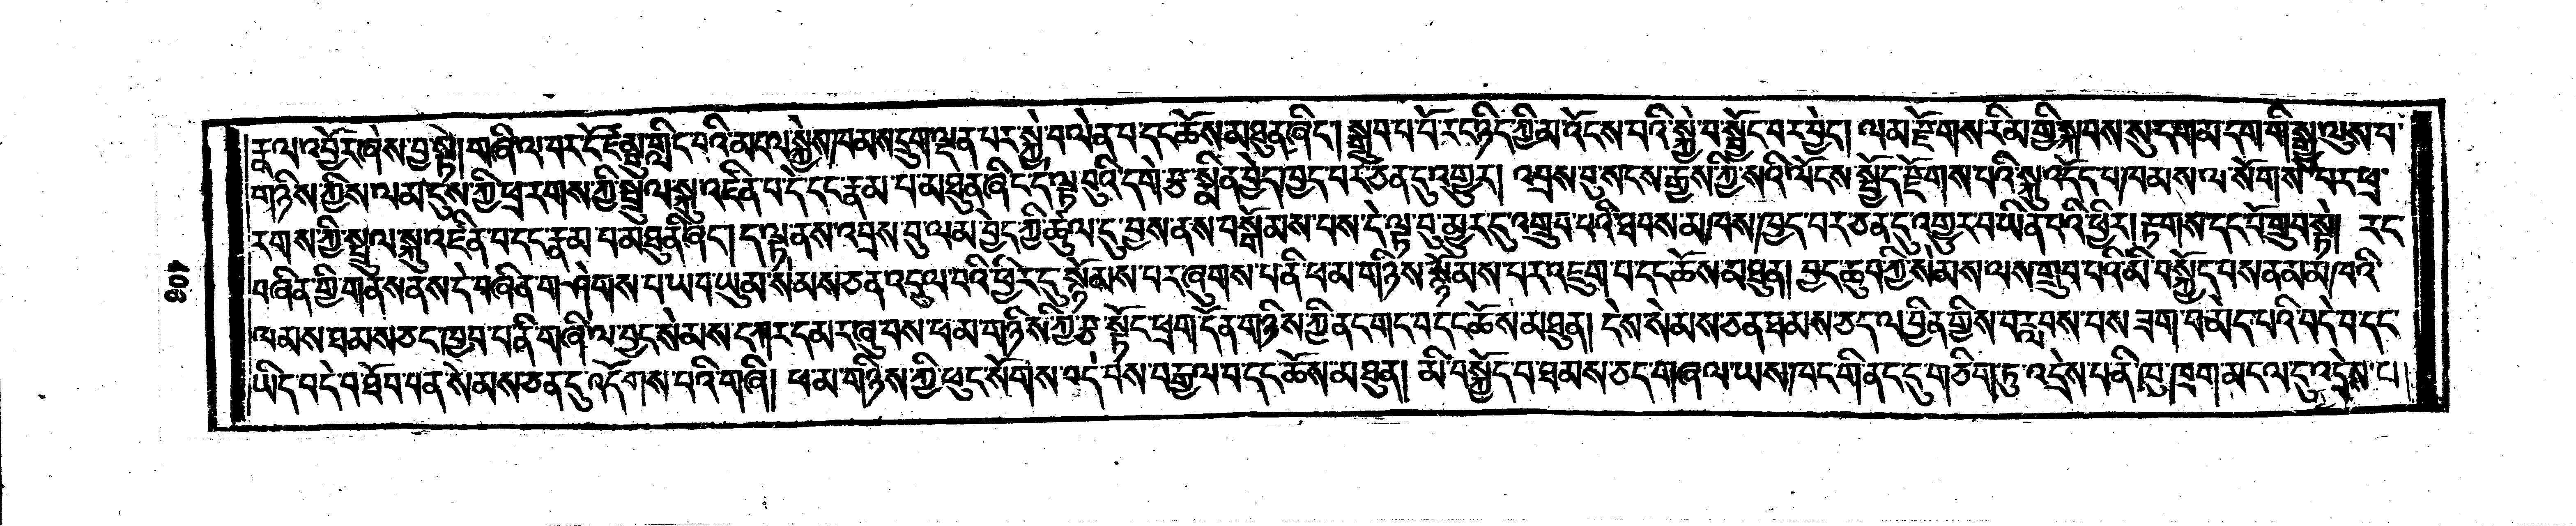རྣལ་འབྱོར་ཞེས་བྱ་སྟེ། གཞི་ལ་བར་དོ་ཛམྦུ་གླིང་བའི་མངལ་སྐྱེས་ཁམས་དྲུག་ལྡན་པར་སྐྱེ་བ་ལེན་པ་དང་ཆོས་མཐུན་ཞིང་། སྒྲུབ་པ་པོ་རང་ཉིད་ཀྱི་མ་འོངས་པའི་སྐྱེ་བ་སྦྱོང་བར་བྱེད། ལམ་རྫོགས་རིམ་གྱི་སྐབས་སུ་དག་མ་དག་གི་སྒྱུ་ལུས་པ་
གཉིས་ཀྱིས་ལམ་དུས་ཀྱི་ཕྲ་རགས་ཀྱི་སྤྲུལ་སྐུ་འཛིན་པ་དེ་དང་རྣམ་པ་མཐུན་ཞིང་དེ་ལྟ་བུའི་དགེ་རྩ་སྨིན་བྱེད་ཁྱད་པར་ཅན་དུ་འགྱུར། འབྲས་བུ་སངས་རྒྱས་ཀྱི་སའི་ལོངས་སྤྱོད་རྫོགས་པའི་སྐུ་འདོད་པ་ཁམས་ལ་སོགས་པར་ཕྲ་
རགས་ཀྱི་སྤྲུལ་སྐུ་འཛིན་པ་དང་རྣམ་པ་མཐུན་ཞིང་། ད་ལྟ་ནས་འབྲས་བུ་ལམ་བྱེད་ཀྱི་ཚུལ་དུ་བྱས་ནས་བསྒོམས་པས་དེ་ལྟ་བུ་མྱུར་དུ་འགྲུབ་པའི་ཐབས་མཁས་ཁྱད་པར་ཅན་དུ་འགྱུར་བ་ཡིན་པའི་ཕྱིར། རྟགས་དང་པོ་གྲུབ་སྟེ། རང་
བཞིན་གྱི་གནས་ནས་དེ་བཞིན་གཤེགས་པ་ཡབ་ཡུམ་སེམས་ཅན་འདུལ་བའི་ཕྱིར་དུ་སྙོམས་པར་ཞུགས་པ་ནི་ཕ་མ་གཉིས་སྙོམས་པར་འཇུག་པ་དང་ཆོས་མཐུན། བྱང་ཆུབ་ཀྱི་སེམས་ལས་གྲུབ་པའི་མི་བསྐྱོད་པས་ནམ་མཁའི་
ཁམས་ཐམས་ཅད་ཁྱབ་པ་ནི་གཞི་ལ་བྱང་སེམས་དཀར་དམར་ཞུ་བས་ཕ་མ་གཉིས་ཀྱི་རྩ་སྟོང་ཕྲག་དོན་གཉིས་ཀྱི་ནང་གང་བ་དང་ཆོས་མཐུན། ངེས་སེམས་ཅན་ཐམས་ཅད་ལ་བྱིན་གྱིས་བརླབས་པས་ཟག་པ་མེད་པའི་བདེ་བ་དང་
ཡིད་བདེ་བ་ཐོབ་བ་ནི་སེམས་ཅན་དུ་འདོགས་པའི་གཞི། ཕ་མ་གཉིས་ཀྱི་ཕུང་སོགས་བདེ་བས་བརྒྱལ་བ་དང་ཆོས་མཐུན། མི་བསྐྱོད་པ་ཐམས་ཅད་གཞལ་ཡས་ཁང་གི་ནང་དུ་གཅིག་ཏུ་འདྲེས་པ་ནི་ཁུ་ཁྲག་མངལ་དུ་འདྲེས་པ་